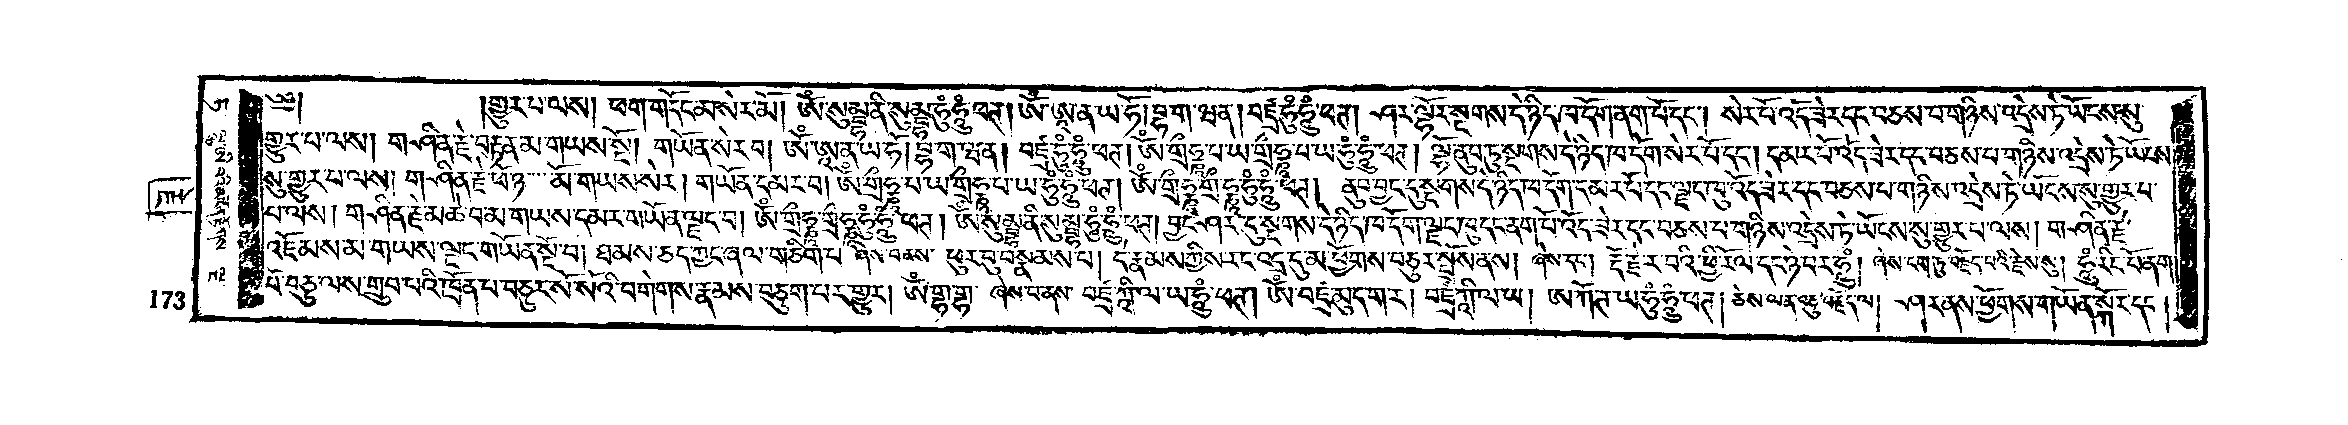༄༅། །གྱུར་པ་ལས། ཕག་གདོང་མ་སེར་མོ། ཨོཾ་སུམྦྷ་ནི་སུམྦྷ་ཧུཾ་ཧཱུཾ་ཕཊ། ཨོཾ་ཨཱ་ན་ཡ་ཧོ། བྷ་ག་ཝན། བཛྲ་ཧུཾ་ཧཱུཾ་ཕཊ། ཤར་ལྷོར་སྔགས་དེ་ཉིད་ཁ་དོག་ནག་པོ་དང་། སེར་པོ་འོད་ཟེར་དང་བཅས་པ་གཉིས་འདྲེས་ཏེ་ཡོངས་སུ་
གྱུར་པ་ལས། གཤིན་རྗེ་བརྟན་མ་གཡས་སྔོ། གཡོན་སེར་བ། ཨོཾ་ཨཱ་ན་ཡ་ཧོ། བྷ་ག་ཝན། བཛྲ་ཧུཾ་ཧཱུཾ་ཕཊ། ཨོཾ་གྲྀཧྞཱ་པ་ཡ་གྲྀཧྞཱ་པ་ཡ་ཧུཾ་ཧཱུཾ་ཕཊ། ལྷོ་ནུབ་ཏུ་སྔགས་དེ་ཉིད་ཁ་དོག་སེར་པོ་དང་། དམར་པོ་འོད་ཟེར་དང་བཅས་པ་གཉིས་འདྲེས་ཏེ་ཡོངས་
སུ་གྱུར་པ་ལས། གཤིན་རྗེ་ཕོ་ཉ་མོ་གཡས་སེར། གཡོན་དམར་བ། ཨོཾ་གྲྀཧྞཱ་པ་ཡ་གྲྀཧྞཱ་པ་ཡ་ཧུཾ་ཧཱུཾ་ཕཊ། ཨོཾ་གྲྀཧྞཱ་གྲྀཧྞཱ་ཧུཾ་ཧཱུཾ་ཕཊ། ནུབ་བྱང་དུ་སྔགས་དེ་ཉིད་ཁ་དོག་དམར་པོ་དང་ལྗང་ཁུ་འོད་ཟེར་དང་བཅས་པ་གཉིས་འདྲེས་ཏེ་ཡོངས་སུ་གྱུར་པ་
པ་ལས། གཤིན་རྗེ་མཆེ་བ་མ་གཡས་དམར་གཡོན་ལྗང་བ། ཨོཾ་གྲྀཧྞཱ་གྲྀཧྞཱ་ཧུཾ་ཧཱུཾ་ཕཊ། ཨོཾ་སུམྦྷ་ནི་སུམྦྷ་ཧུཾ་ཧཱུཾ་ཕཊ། བྱང་ཤར་དུ་སྔགས་དེ་ཉིད་ཁ་དོག་ལྗང་ཁུ་དང་ནག་པོ་འོད་ཟེར་དང་བཅས་པ་གཉིས་འདྲེས་ཏེ་ཡོངས་སུ་གྱུར་པ་ལས། གཤིན་རྗེ་
འཇོམས་མ་གཡས་ལྗང་གཡོན་སྔོ་བ། ཐམས་ཅད་ཀྱང་ཞལ་གཅིག་པ་ཞེས་པ་ནས།  ཕུར་བུ་བསྣམས་པ། དེ་རྣམས་ཀྱིས་རང་འདྲ་དུ་མ་ཕྱོགས་བཅུར་སྤྲོས་ནས། ཞེས་དང་།  རྡོ་རྗེ་ར་བའི་ཕྱི་རོལ་དང་ཉེ་བར་ཧཱུཾ། ཞེས་ངག་ཏུ་བརྗོད་པའི་རྗེས་སུ།  ཧཱུཾ་རིང་པོ་ནག་
པོ་བཅུ་ལས་གྲུབ་པའི་ཁྲོན་པ་བཅུར་སོ་སོའི་བགེགས་རྣམས་བཅུག་པར་གྱུར། ཨོཾ་གྷ་གྷ་ཞེས་པ་ནས་བཛྲ་ཀཱི་ལ་ཡ་ཧཱུཾ་ཕཊ། ཨོཾ་བཛྲ་མུད་ག་ར། བཛྲ་ཀཱི་ལ་ཡ། ཨ་ཀོ་ཊ་ཡ་ཧུཾ་ཧཱུཾ་ཕཊ། ཅེས་ལན་བཅུ་བརྗོད་ལ། ཤར་ནས་ཕྱོགས་གཡོན་སྐོར་དང་།